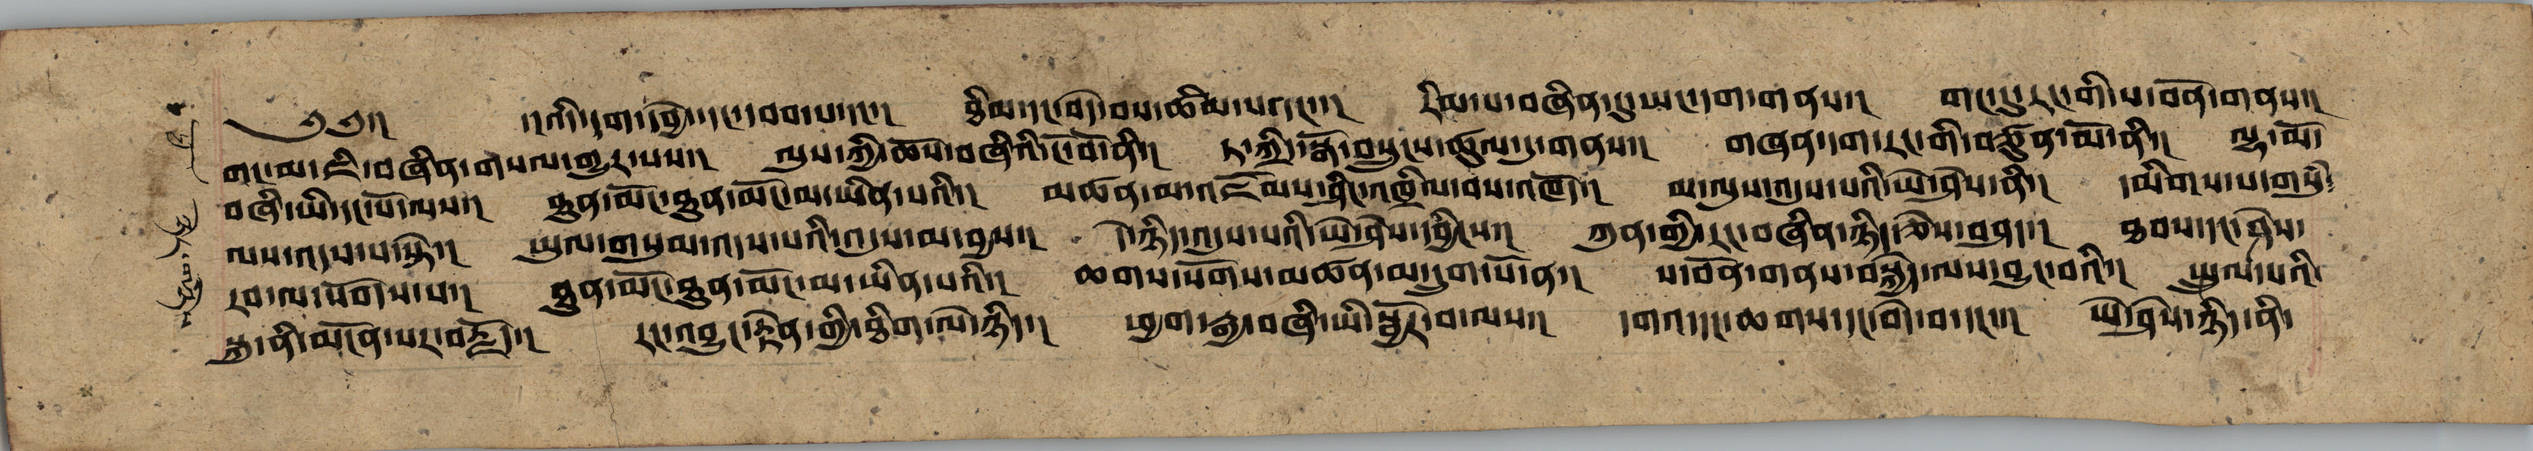༄༅་། ་།འདི་དག་དབྱེ་དང་དབབ་པ་དང་། ཐིམ་དང་བདེ་བས་ཚིམ་པ་དང་་། རིམ་པ་བཞིན་དུ་ཡང་དག་གནས་། གང་དུ་རང་གི་ས་བོན་གནས་།
གང་མ་ཇི་བཞིན་གསལ་གྱུར་པས་། ལུས་ཀྱི་ཆོས་བཞིའི་ངོ་བོ་ནི་། ཏ་ཀྲིད་སྒོ་བསྲུངས་ཚུལ་དུ་གནས་། གཞན་དག་རང་གི་བཙུན་མོ་ནི་། ལྷ་མོ་
བཞི་ཡི་དང་པོ་ལས་། ཐུན་མོང་ཐུན་མོང་མ་ཡིན་པའི་། མཚན་མ་འཇོམས་ཤིང་འཁྲིལ་བས་འཁོད་། མ་ལུས་འདུས་པའི་ཡེ་ཤེས་ནི་། དམིགས་པ་གསུཾ་
ལས་འདས་པ་སྟེ་། ཡུལ་གསུམ་འདས་པའི་འདུས་མ་བྱས་། དེ་ཉིད་འདུས་པའི་ཡེ་ཤེས་དབྱིངས་། ཀུན་གྱི་རང་བཞིན་ཉིད་ཅེས་བཤད་། ཐབས་དང་ཤེས་
རབ་ལ་སོགས་པ་། ཐུན་མོང་ཐུན་མོང་མ་ཡིན་པའི་། ཆགས་སོགས་མཚན་མ་དྲུག་པོ་ན་། ས་བོན་གནས་བསྐྱེད་ལས་བྱུང་བའི་། སྤྲུལ་པའི་
སྐུ་ནི་མངོན་པར་བརྗོད་། རང་འབྱུང་རྟེན་གྱི་ཐིག་ལེ་ཉིད་། ཕྱག་རྒྱ་བཞི་ཡི་སྦྱོར་བ་ལས་། དགའ་དང་ཆགས་དང་བདེ་བ་དང་་། ཡེ་ཤེས་ཉིད་ནི་